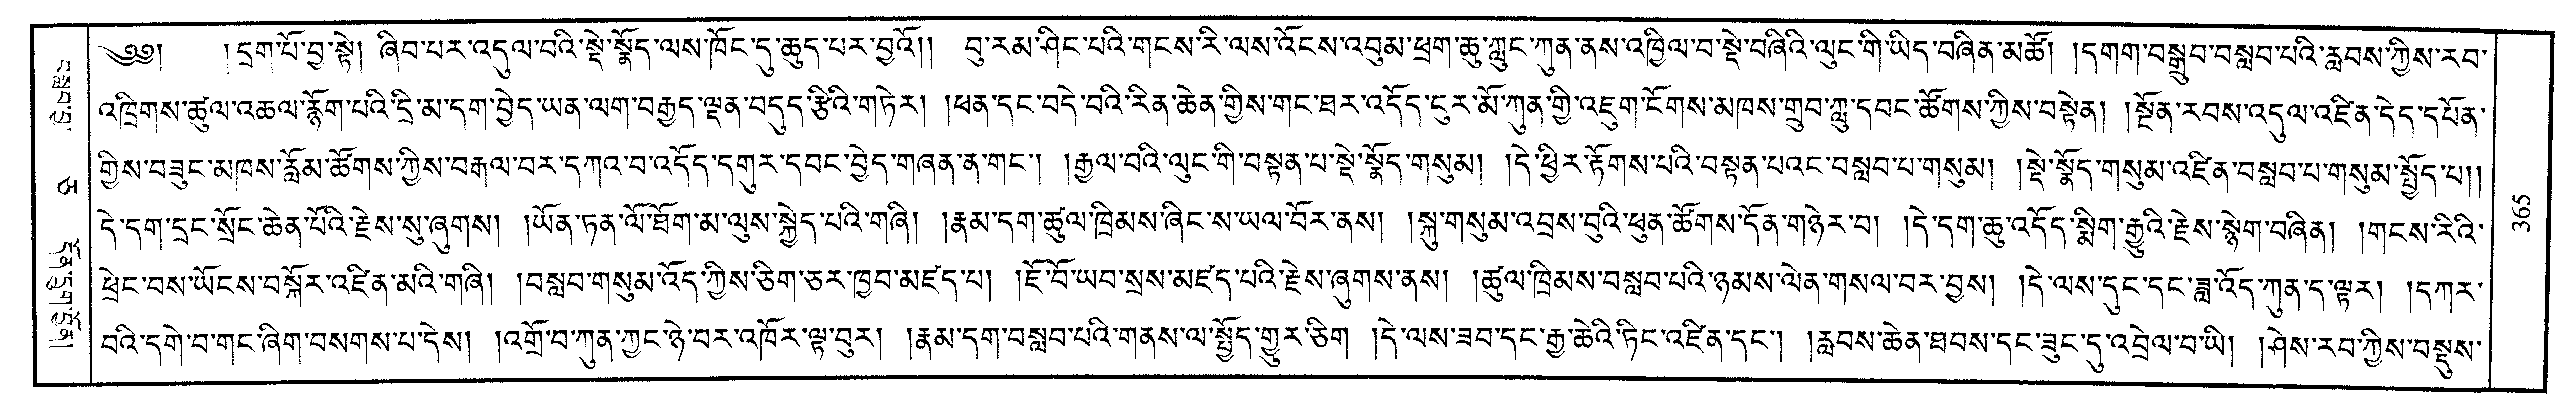༄༅། །དྲག་པོ་བྱ་སྟེ། ཞིབ་པར་འདུལ་བའི་སྡེ་སྣོད་ལས་ཁོང་དུ་ཆུད་པར་བྱའོ།། བུ་རམ་ཤིང་པའི་གངས་རི་ལས་འོངས་འབུམ་ཕྲག་ཆུ་ཀླུང་ཀུན་ནས་འཁྱིལ་བ་སྡེ་བཞིའི་ལུང་གི་ཡིད་བཞིན་མཚོ། །དགག་བསྒྲུབ་བསླབ་པའི་རླབས་ཀྱིས་རབ་
འཁྲིགས་ཚུལ་འཆལ་རྙོག་པའི་དྲི་མ་དག་བྱེད་ཡན་ལག་བརྒྱད་ལྡན་བདུད་རྩིའི་གཏེར། །ཕན་དང་བདེ་བའི་རིན་ཆེན་གྱིས་གང་ཐར་འདོད་ངུར་མོ་ཀུན་གྱི་འཇུག་ངོགས་མཁས་གྲུབ་ཀླུ་དབང་ཚོགས་ཀྱིས་བསྟེན། །སྔོན་རབས་འདུལ་འཛིན་དེད་དཔོན་
གྱིས་བཟུང་མཁས་རློམ་ཚོགས་ཀྱིས་བརྒལ་བར་དཀའ་བ་འདོད་དགུར་དབང་བྱེད་གཞན་ན་གང་། །རྒྱལ་བའི་ལུང་གི་བསྟན་པ་སྡེ་སྣོད་གསུམ། །དེ་ཕྱིར་རྟོགས་པའི་བསྟན་པའང་བསླབ་པ་གསུམ། །སྡེ་སྣོད་གསུམ་འཛིན་བསླབ་པ་གསུམ་སྤྱོད་པ།།
དེ་དང་དྲང་སྲོང་ཆེན་པོའི་རྗེས་སུ་ཞུགས། །ཡོན་ཏན་ལོ་ཐོག་མ་ལུས་སྐྱེད་པའི་གཞི། །རྣམ་དག་ཚུལ་ཁྲིམས་ཞིང་ས་ཡལ་བོར་ནས། །སྐུ་གསུམ་འབྲས་བུའི་ཕུན་ཚོགས་དོན་གཉེར་བ། །དེ་དག་ཆུ་འདོད་སྨིག་རྒྱུའི་རྗེས་སྙེག་བཞིན། །གངས་རིའི་
ཕྲེང་བས་ཡོངས་བསྐོར་འཛིན་མའི་གཞི། །བསླབ་གསུམ་འོད་ཀྱིས་ཅིག་ཅར་ཁྱབ་མཛད་པ། །ཇོ་བོ་ཡབ་སྲས་མཛད་པའི་རྗེས་ཞུགས་ནས། །ཚུལ་ཁྲིམས་བསླབ་པའི་ཉམས་ལེན་གསལ་བར་བྱས། །དེ་ལས་དུང་དང་ཟླ་འོད་ཀུན་ད་ལྟར། །དཀར་
བའི་དགེ་བ་གང་ཞིག་བསགས་པ་དེས། །འགྲོ་བ་ཀུན་ཀྱང་ཉེ་བར་འཁོར་ལྟ་བུར། །རྣམ་དག་བསླབ་པའི་གནས་ལ་སྤྱོད་གྱུར་ཅིག །དེ་ལས་ཟབ་དང་རྒྱ་ཆེའི་ཏིང་འཛིན་དང་། །རླབས་ཆེན་ཐབས་དང་ཟུང་དུ་འབྲེལ་བ་ཡི། །ཤེས་རབ་ཀྱིས་བསྡུས་